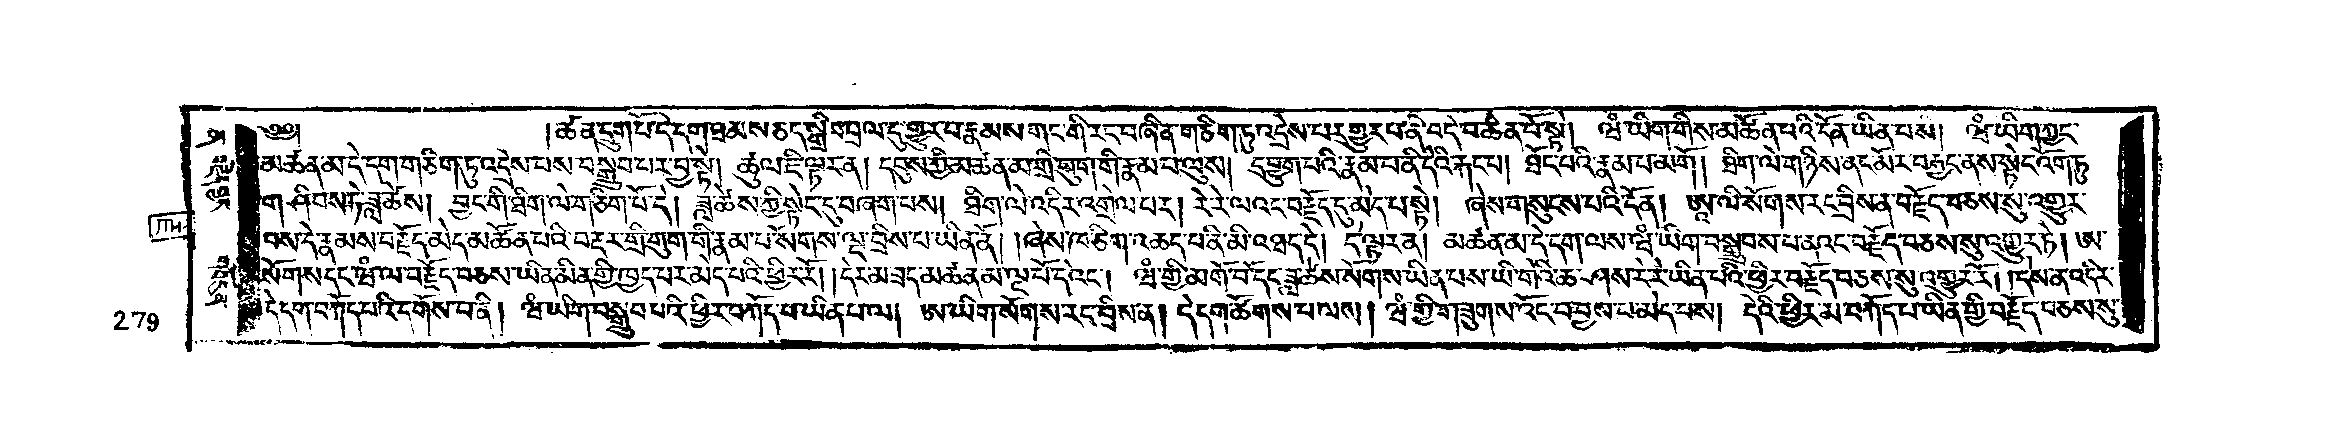༄༅། །ཚན་དྲུག་པོ་དེ་དག་ཐམས་ཅད་སྒྲིབ་བྲལ་དུ་གྱུར་པ་རྣམས་གང་གི་རང་བཞིན་གཅིག་ཏུ་འདྲེས་པར་གྱུར་པ་ནི་བདེ་བ་ཆེན་པོ་སྟེ། ཝཾ་ཡིག་གིས་མཚོན་པའི་དོན་ཡིན་པས། ཝཾ་ཡིག་ཀྱང་
མཚན་མ་དེ་དག་གཅིག་ཏུ་འདྲེས་པས་བསྒྲུབ་པར་བྱ་སྟེ། ཚུལ་ཇི་ལྟར་ན། དབུས་ཀྱི་མཚན་མ་གྲི་གུག་གི་རྣམ་པ་ལུས། དབྱུག་པའི་རྣམ་པ་ནི་དེའི་རྐང་པ། ཐོང་པའི་རྣམ་པ་མགོ །ཐིག་ལེ་གཉིས་ནར་མོར་བརྐྱང་ནས་སྟེང་འོག་ཏུ་
གཤིབས་ཏེ་ཟླ་ཚེས། བྱང་གི་ཐིག་ལེ་གཅིག་པོ་དེ། ཟླ་ཚེས་ཀྱི་སྟེང་དུ་བཞག་པས། ཐིག་ལེ་འདིར་འགྲེལ་པར། རེ་རེ་ལའང་བརྗོད་དུ་མེད་པ་སྟེ། ཞེས་གསུངས་པའི་དོན། ཨཱ་ལི་སོགས་རང་བྲིས་ན་བརྗོད་བཅས་སུ་འགྱུར་
བས་དེ་རྣམས་བརྗོད་མེད་མཚོན་པའི་བརྡར་གྲི་གུག་གི་རྣམ་པ་སོགས་ལྔ་བྲིས་པ་ཡིན་ནོ། །ཞེས་ཁ་ཅིག་འཆད་པ་ནི་མི་འཐད་དེ། དེ་ལྟར་ན། མཚན་མ་དེ་དག་ལས་ཝཾ་ཡིག་བསྒྲུབས་པ་ནའང་བརྗོད་བཅས་སུ་འགྱུར་ཏེ། ཨ་
སོགས་དང་ཝཾ་ལ་བརྗོད་བཅས་ཡིན་མིན་གྱི་ཁྱད་པར་མེད་པའི་ཕྱིར་རོ། །དེར་མ་ཟད་མཚན་མ་ལྔ་པོ་དེའང་། ཝཾ་གྱི་མགོ་བོ་དང་ཟླ་ཚེས་སོགས་ཡིན་པས་ཡི་གེའི་ཆ་ཤས་རེ་རེ་ཡིན་པའི་ཕྱིར་བརྗོད་བཅས་སུ་འགྱུར་རོ། །དེས་ན་འདིར་
དེ་དག་བཀོད་པའི་དགོས་པ་ནི། ཝཾ་ཡིག་བསྒྲུབ་པའི་ཕྱིར་བཀོད་པ་ཡིན་པ་ལ། ཨ་ཡིག་སོགས་རང་བྲིས་ན། དེ་དག་ཚོགས་པ་ལས། ཝཾ་གྱི་གཟུགས་འོང་བ་བྱས་པ་མེད་པས། དེའི་ཕྱིར་མ་བཀོད་པ་ཡིན་གྱི་བརྗོད་བཅས་སུ་